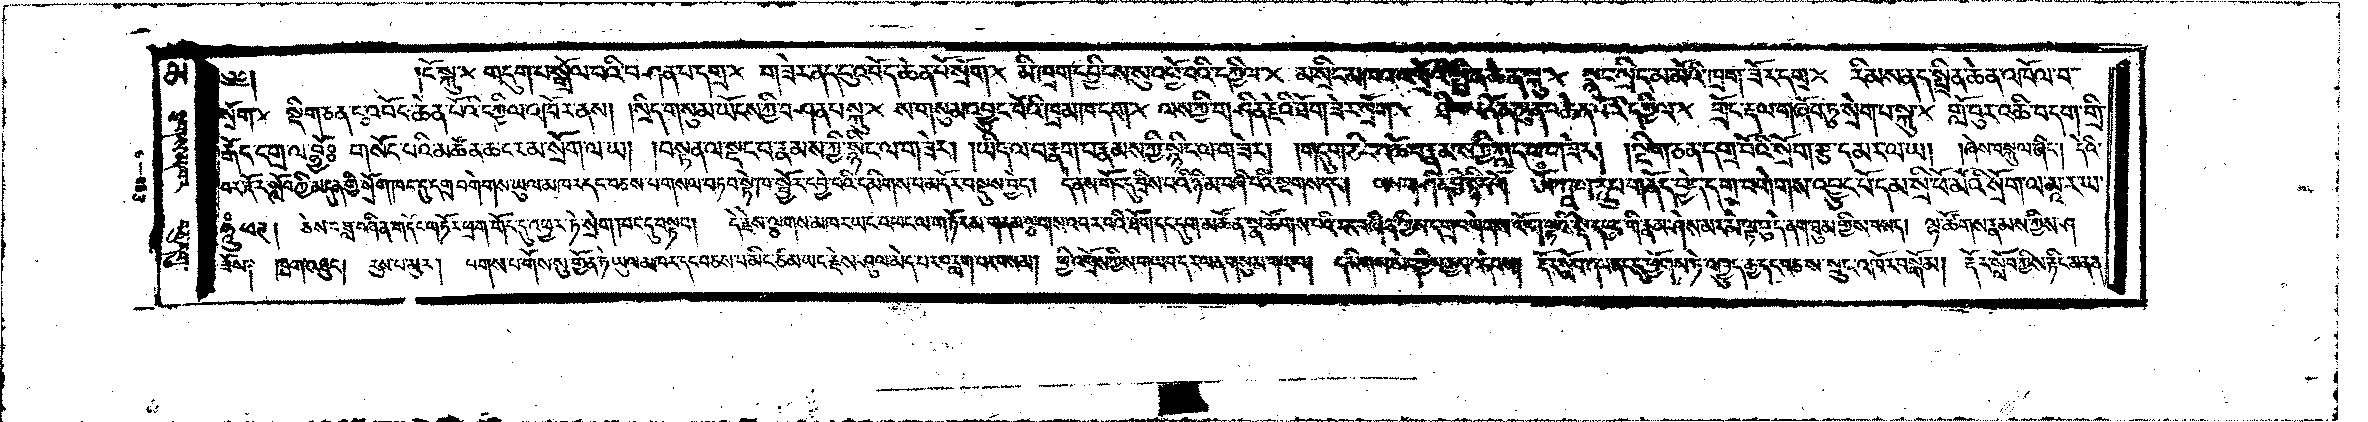༄༅། །ངོ་སྐུ་྾་གདུག་པ་སྒྲོལ་བའི་བཤན་པ་དགྲ་྾་གཟེར་ནད་ངུ་འབོད་ཆེན་པོ་སྲོག་྾་མི་ཁྲག་དབྱིངས་སུ་འཕྱོ་བའི་དཀྱིལ྾་མ་སྲིད་མཁའ་འགྲོའི་སྤྲིན་ཆེན་སྐུ྾་སྣང་སྲིད་མ་མོའི་ཁྲག་ཟོར་དགྲ་྾་རིམས་ནད་སྤྲིན་ཆེན་འཁོལ་བ་
སྲོག་྾་སྡིག་ཅན་དུ་འབོད་ཆེན་པོའི་དཀྱིལ་འཁོར་ནས། །སྲིད་གསུམ་ཡོངས་ཀྱི་བཤན་པ་སྐུ྾་ས་གསུམ་འབྱུང་བོའི་ཁྲམ་ཁ་དག་྾་ལས་ཀྱི་གཞིན་རྗེའི་ཐོག་ཟེར་སྲོག྾་ཐེབས་དོན་མུན་པ་ཆེན་པོའི་དཀྱིལ྾་གྲོང་རྡལ་གཞོབ་ཏུ་སྲེག་པ་སྐུ྾་གློ་བུར་འཆི་བདག་གྲི་
རྒོད་དགྲ་ལ་བྷྱོཿ གསོང་པའི་མཚོན་ཆ་ངར་མ་སྲོག་ལ་ཡ། །བསྟན་ལ་སྡང་བ་རྣམས་ཀྱི་སྙིང་ལ་གཟེར། །ཡིད་ལ་བརྣག་པ་རྣམས་ཀྱི་སྙིང་ལ་གཟེར། །གདུག་ཅིང་འཆོ་བ་རྣམས་ཀྱི་ཀླད་ལ་གཟེར། །སྡིག་ཅན་དགྲ་བོའི་སྲོག་རྩ་དམར་ལ་ཡ། །ཞེས་བསྐུལ་ཞིང་། དེའི་
བར་རྡོར་སློབ་ཀྱི་མདུན་གྱི་སྲོག་ཁང་དུ་དགྲ་བགེགས་ཡུལ་མཁར་དང་བཅས་པ་གསལ་བཏབ་སྟེ་ཁ་སྦྱོར་དབྱེ་བའི་དམིགས་པ་མདོར་བསྡུས་བྱེད། དེ་ནས་གོང་དུ་བྲིས་པའི་ཉི་མ་བཞི་པའི་སྔགས་དང་། ལས་གཤིན་བྱི་སྙིང་པོ། ཨོཾ་ཀཱ་ལ་རླུང་གནོད་བྱེད་དགྲ་བགེགས་འབྱུང་པོ་དམ་སྲི་ཕོ་མོའི་སྲོག་ལ་མཱ་ར་ཡ་
ཧཱུཾ་ཕཊ། ཅེས་བཟླ་བཞིན་གདོང་གཏོར་ཕྲག་གོང་དུ་འཕྱར་ཏེ་སྲེག་ཁང་དུ་བསྟབ། དེ་རྗེས་ལྕགས་མཁར་ཡང་འཕང་ལ་གཏོར་མ་གནམ་ལྕགས་འབར་བའི་ཐོག་དང་དུག་མཚོན་སྣ་ཚོགས་པའི་རང་བཞིན་གྱིས་དགྲ་བགེགས་ལོག་ལྷའི་སྡེ་དཔུང་གི་རྣམ་ཤེས་མར་མི་ལྟ་བུ་དེ་ནག་ཐུམ་གྱིས་བསད། ལྷ་ཚོགས་རྣམས་ཀྱིས་ཤ་
ཟོས༑ ཁྲག་འཐུང་། རུས་པ་མུར། པགས་པ་གོས་སུ་གྱོན་ཏེ་ཡུལ་མཁར་དང་བཅས་པ་མིང་ཙམ་ཡང་རྗེས་ཤུལ་མེད་པར་བརླག་པར་བསམ། ཕྱི་འགྲོས་ཀྱིས་གཡབ་དར་ལན་གསུམ་གཡབ། དམིགས་མེད་ཀྱིས་རྒྱབ་འདེབས། རྡོར་སློབ་ཞལ་ནང་དུ་ཕྱོགས་ཏེ་འཁྱུད་རྒྱ་དང་བཅས་སྲུང་འཁོར་བསྒོམ། རྡོར་སློབ་ཀྱིས་རྟིང་མནན་